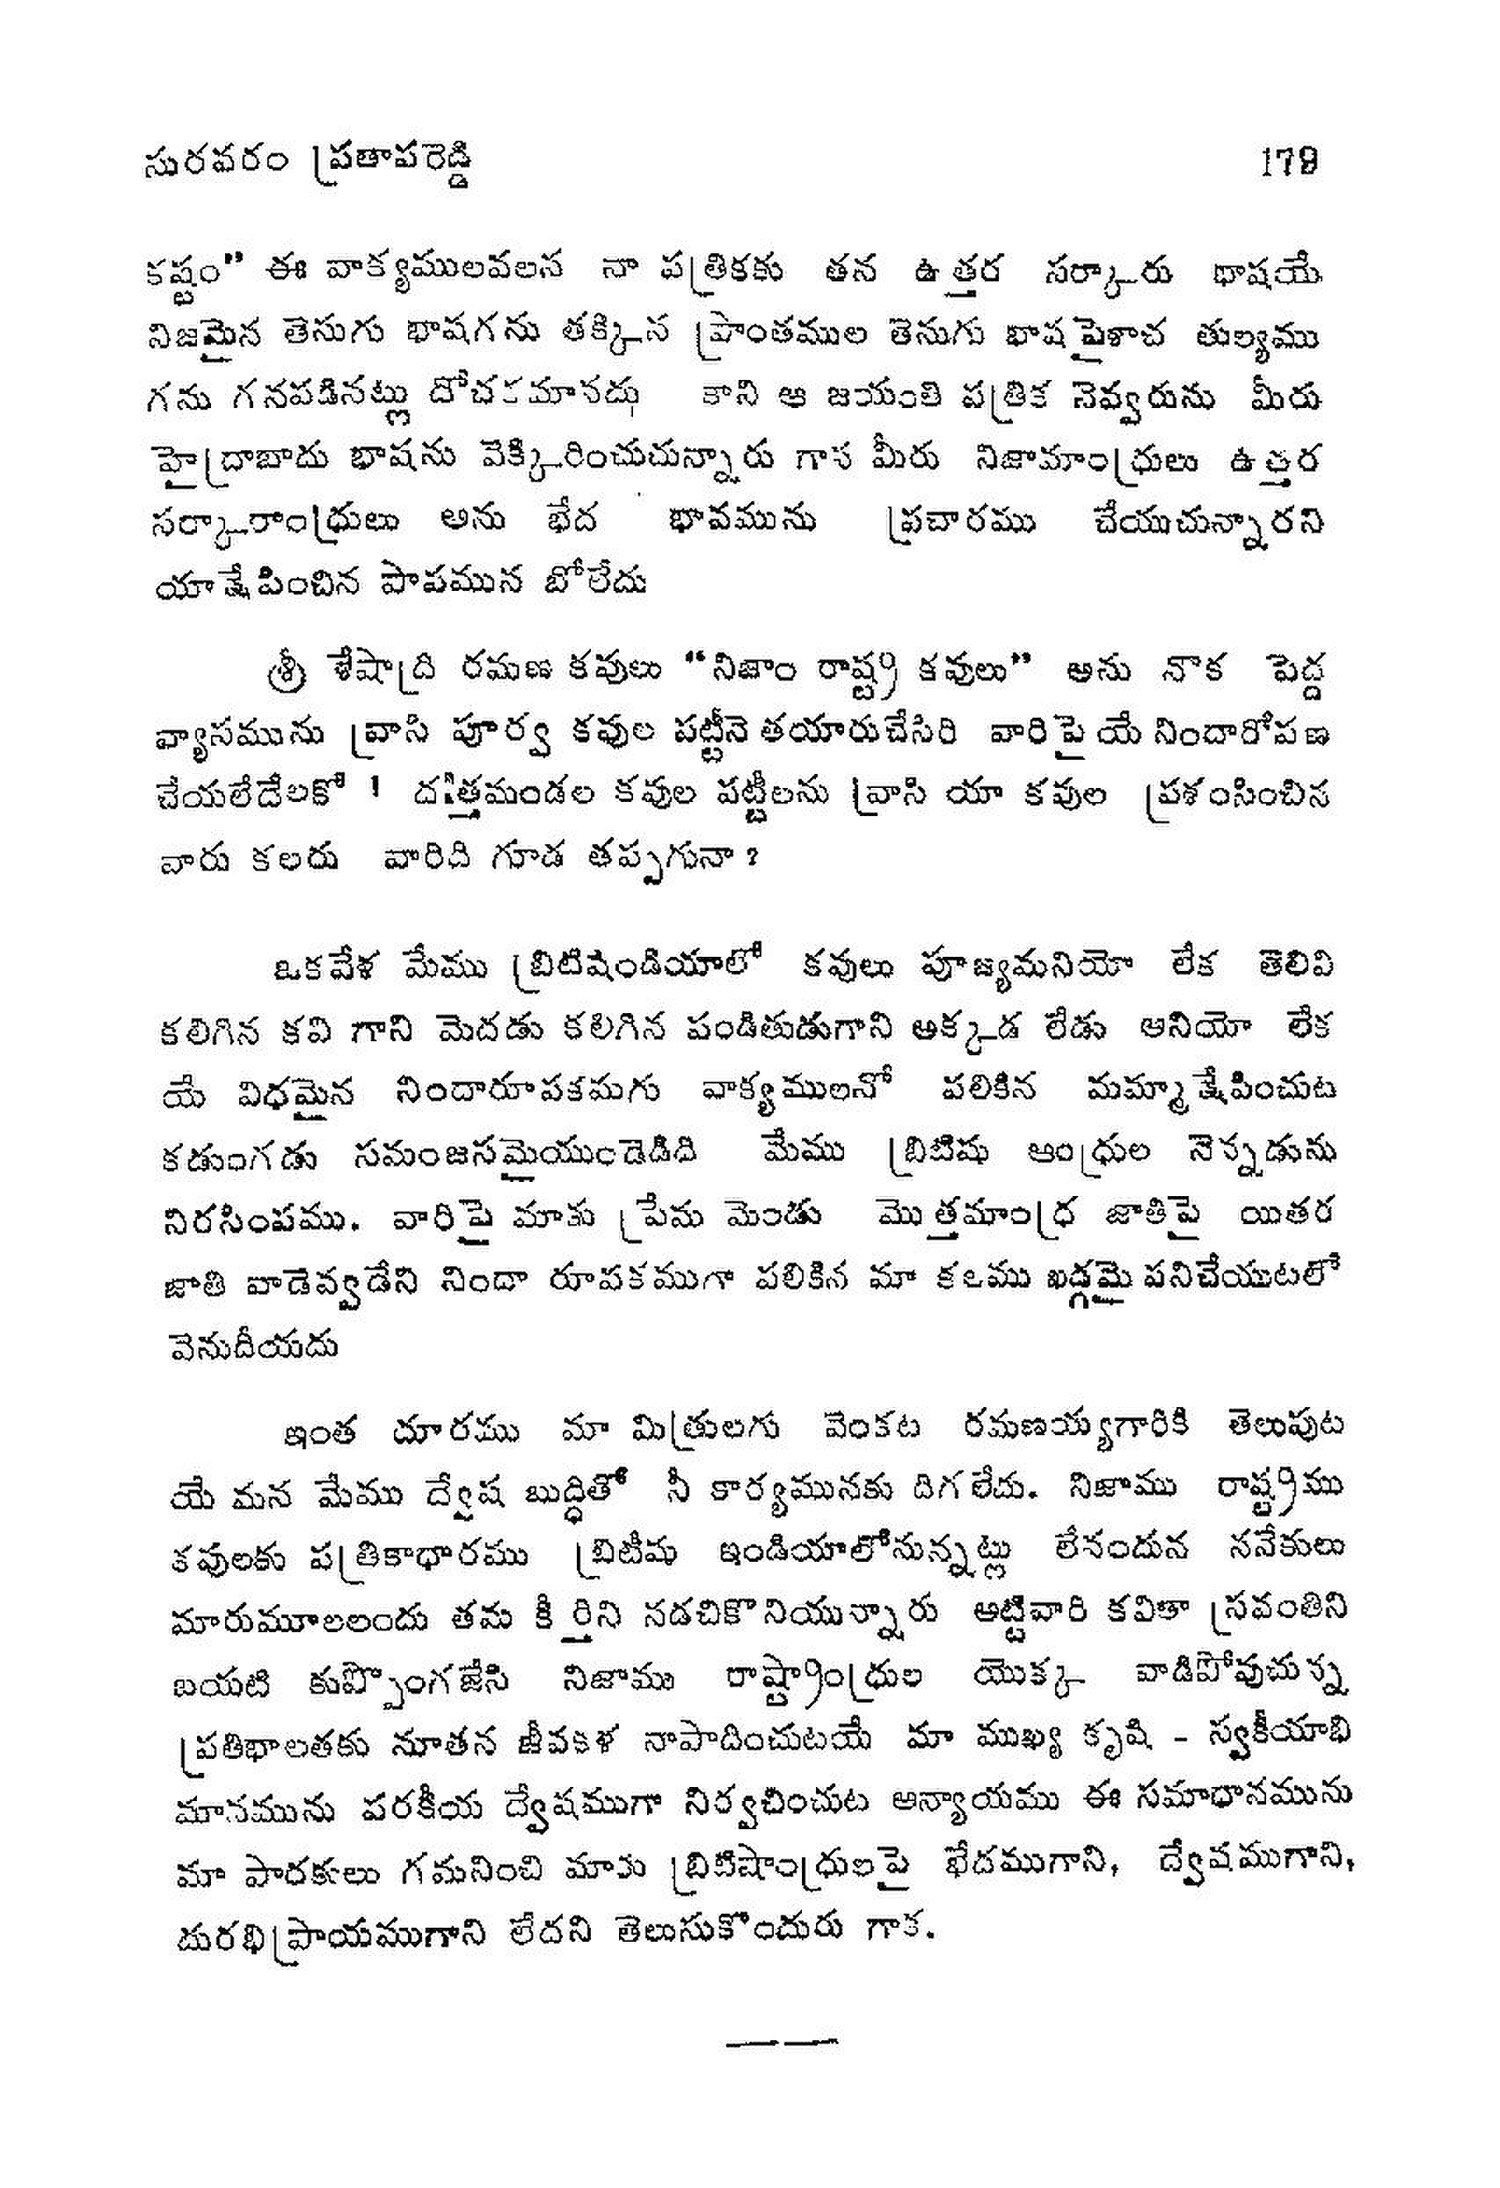కష్టం” ఈ వాక్యములవలన నా పత్రికకు తన ఉత్తర సర్కారు భాషయే నిజమైన తెనుగు భాషగను తక్కిన ప్రాంతముల తెనుగు భాష పైశాచ తుల్యముగను గనపడినట్లు దోచకమానదు కాని ఆ జయంతి పత్రిక నెవ్వరును మీరు హైద్రాబాదు భాషను వెక్కిరించుచున్నారు గాన మీరు నిజామాంధ్రులు ఉత్తర సర్కారాంధ్రులు అను భేద భావమును ప్రచారము చేయుచున్నారని యాక్షేపించిన పాపమున బోలేదు

శ్రీ శేషాద్రి రమణ కవులు "నిజాం రాష్ట్ర కవులు” అను నొక పెద్ద వ్యాసమును వ్రాసి పూర్వ కవుల పట్టీనె తయారుచేసిరి వారిపై యే నిందారోపణ చేయలేదేలకో! దత్తమండల కవుల పట్టీలను వ్రాసి యా కవుల ప్రశంసించిన వారు కలరు వారిది గూడ తప్పగునా ?

ఒకవేళ మేము బ్రిటిషండియాలో కవులు పూజ్యమనియో లేక తెలివి కలిగిన కవి గాని మెదడు కలిగిన పండితుడుగాని అక్కడ లేడు అనియో లేక యే విధమైన నిందారూపకమగు వాక్యములనో పలికిన మమ్మాక్షేపించుట కడుంగడు సమంజసమైయుండెడిది మేము బ్రిటిషు ఆంధ్రుల నెన్నడును నిరసింపము. వారిపై మాకు ప్రేమ మెండు మొత్తమాంధ్ర జాతిపై యితర జాతి వాడెవ్వడేని నిందా రూపకముగా పలికిన మా కలము ఖడ్గమై పనిచేయుటలో
వెనుదీయదు

ఇంత దూరము మా మిత్రులగు వెంకట రమణయ్యగారికి తెలుపుట యే మన మేము ద్వేష బుద్ధితో నీ కార్యమునకు దిగలేదు. నిజాము రాష్ట్రము కపులకు పత్రికాధారము బ్రిటీషు ఇండియాలోనున్నట్లు లేనందున ననేకులు మారుమూలలందు తమ కీర్తిని నడచికొనియున్నారు అట్టివారి కవితా స్రవంతిని బయటి కుప్పొంగజేసి నిజాము రాష్ట్రాంధ్రుల యొక్క వాడిపోవుచున్న ప్రతిభాలతకు నూతన జీవకళ నాపాదించుటయే మా ముఖ్య కృషి - స్వకీయాభి మానమును పరకీయ ద్వేషముగా నిర్వచించుట అన్యాయము ఈ సమాధానమును మా పాఠకులు గమనించి మాకు బ్రిటిషాంధ్రులపై భేదముగాని, ద్వేషముగాని, దురభిప్రాయముగాని లేదని తెలుసుకొందురు గాక.